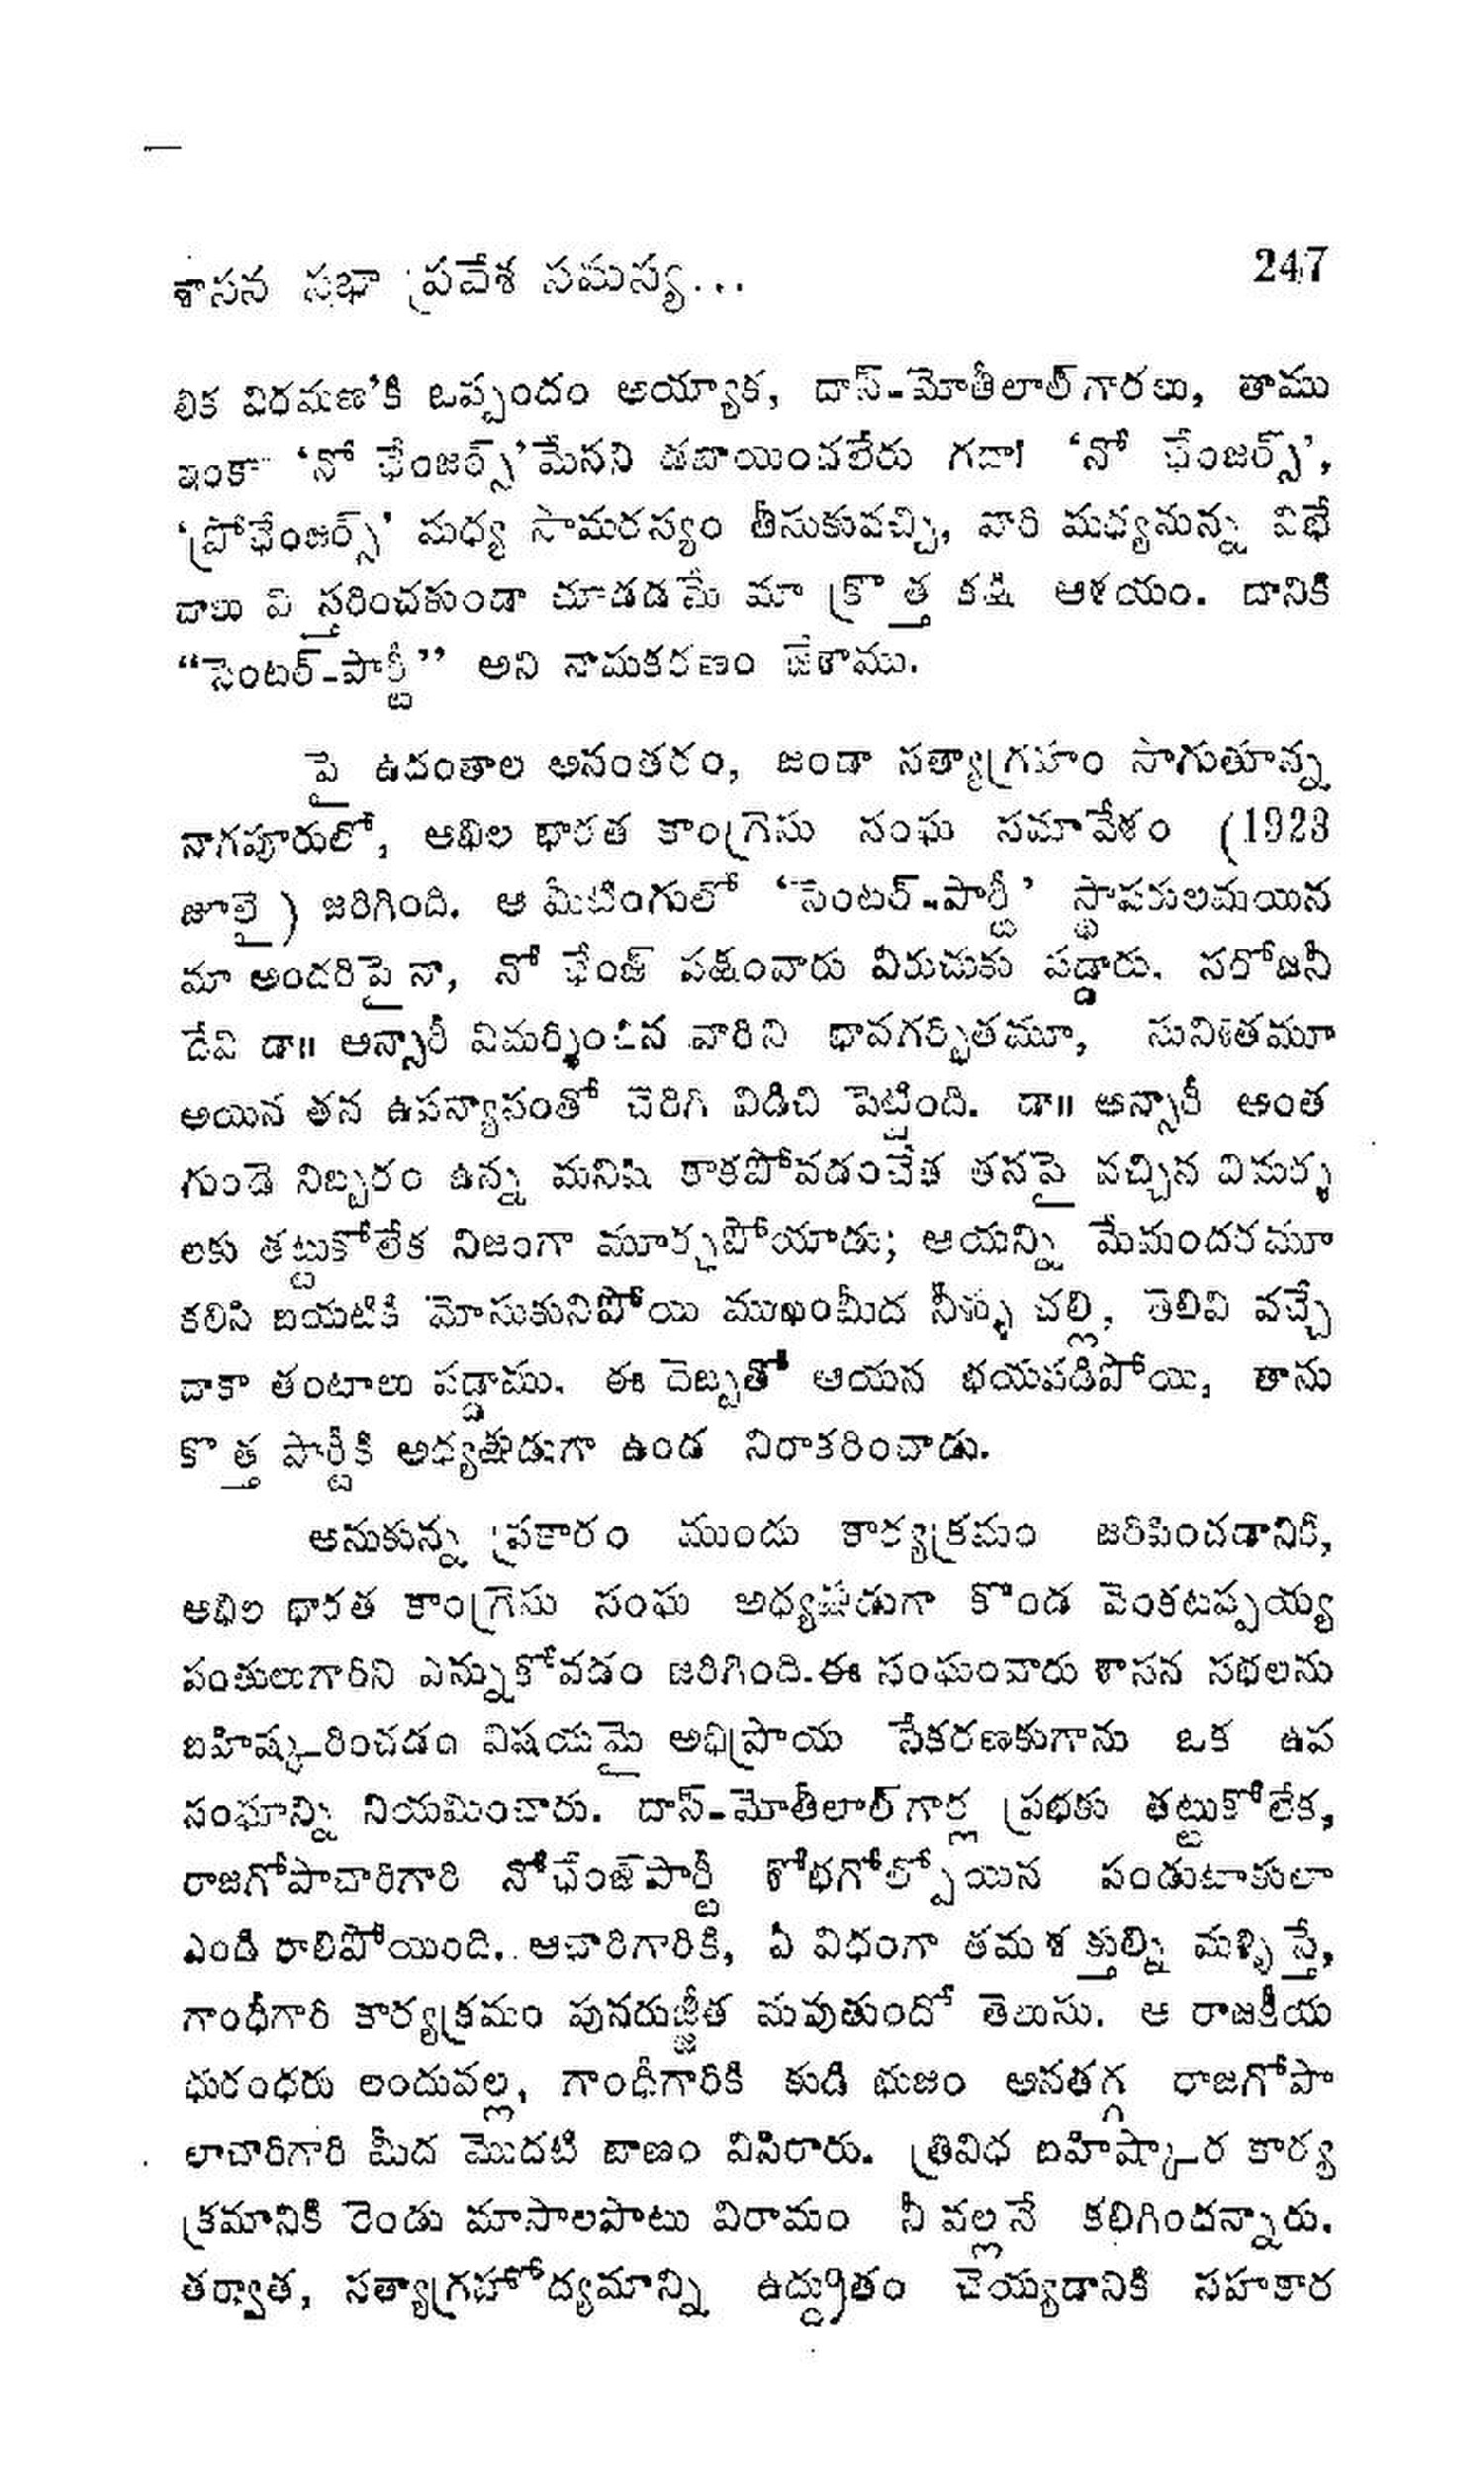లిక విరమణ'కి ఒప్పందం అయ్యాక, దాస్-మోతిలాల్ గారలు, తాము ఇంకా "నో చేంజర్స్"మేనని దబాయించలేరు గదా! "నో చేంజర్స్", "ప్రోచేంజర్స్" మధ్య సామరస్యం తీసుకువచ్చి, వారి మధ్యనున్న విభేదాలు విస్తరించకుండా చూడడమే మా క్రొత్త కక్షి ఆశయం. దానికి "సెంటర్-పార్టీ" అని నామకరణం జేశాము.

పై ఉదంతాల అనంతరం జండా సత్యాగ్రహం సాగుతూన్న నాగపూరులో, అఖిల భారత కాంగ్రెసు సంఘ సమావేశం (1923 జూలై) జరిగింది. ఆ మీటింగులో "సెంటర్-పార్టీ" స్థాపరులమయిన మా అందరిపైనా, నో ఛేంజ్ పక్షంవారు విరుచుకు పడ్డారు. సరోజనీదేవీ డా॥ అన్సారీ విమర్శించిన వారిని భావగర్భితమూ, సునిశితమూ అయిన తన ఉపన్యాసంతో చెరిగి విడిచి పెట్టింది. డా॥అన్సారీ అంత గుండె నిబ్బరం ఉన్న మనిషి కాకపోవడంచేత తనపై వచ్చిన విమర్శలకు తట్టుకోలేక నిజంగా మూర్చపోయాడు; ఆయన్ని మేమందరమూ కలిసి బయటికి మోసుకునిపోయి ముఖంమీద నీళ్ళు చల్లి, తెలివి వచ్చేదాక తంటాలు పడ్డాము. ఈ దెబ్బతో ఆయన భయపడిపోయి, తాను కొత్త పార్టీకి అధ్యక్షుడుగా ఉండ నిరాకరించాడు.

అనుకున్న ప్రకారం ముందు కార్యక్రమం జరిపించడానికి, అఖిల భారత కాంగ్రెసు సంఘ అధ్యక్షుడుగా కొండ వెంకటప్పయ్య పంతులుగారిని ఎన్నుకోవడం జరిగింది. ఈ సంఘంవారు శాసన సభలను బహిష్కరించడం విషయమై అభిప్రాయ సేకరణకుగాను ఒక ఉపసంఘాన్ని నియమించారు. దాస్-మోతిలాల్ గార్ల ప్రభకు తట్టుకోలేక, రాజగోపాలాచారిగారి నోచేంజ్‌పార్టీ శోభగోల్పోయిన పండుటాకులా ఎండి రాలిపోయింది. ఆచారిగారికి, ఏ విధంగా తమ శక్తుల్ని మళ్ళిస్తే, గాంధీగారి కార్యక్రమం పునరుజ్జీత మవుతుందో తెలుసు. ఆ రాజకీయ ధురంధురు లందువల్ల, గాంధీగారికి కుడి భుజం అనతగ్గ రాజగోపాలాచారిగారి మీద మొదటి బాణం విసిరారు. త్రివిధ బహిష్కార కార్యక్రమానికి రెండు మాసాలపాటు విరామం నీ వల్లనే కలిగిందన్నారు. తర్వాత, సత్యాగ్రహోద్యమాన్ని ఉద్ద్రుతం చెయ్యడానికి సహకార